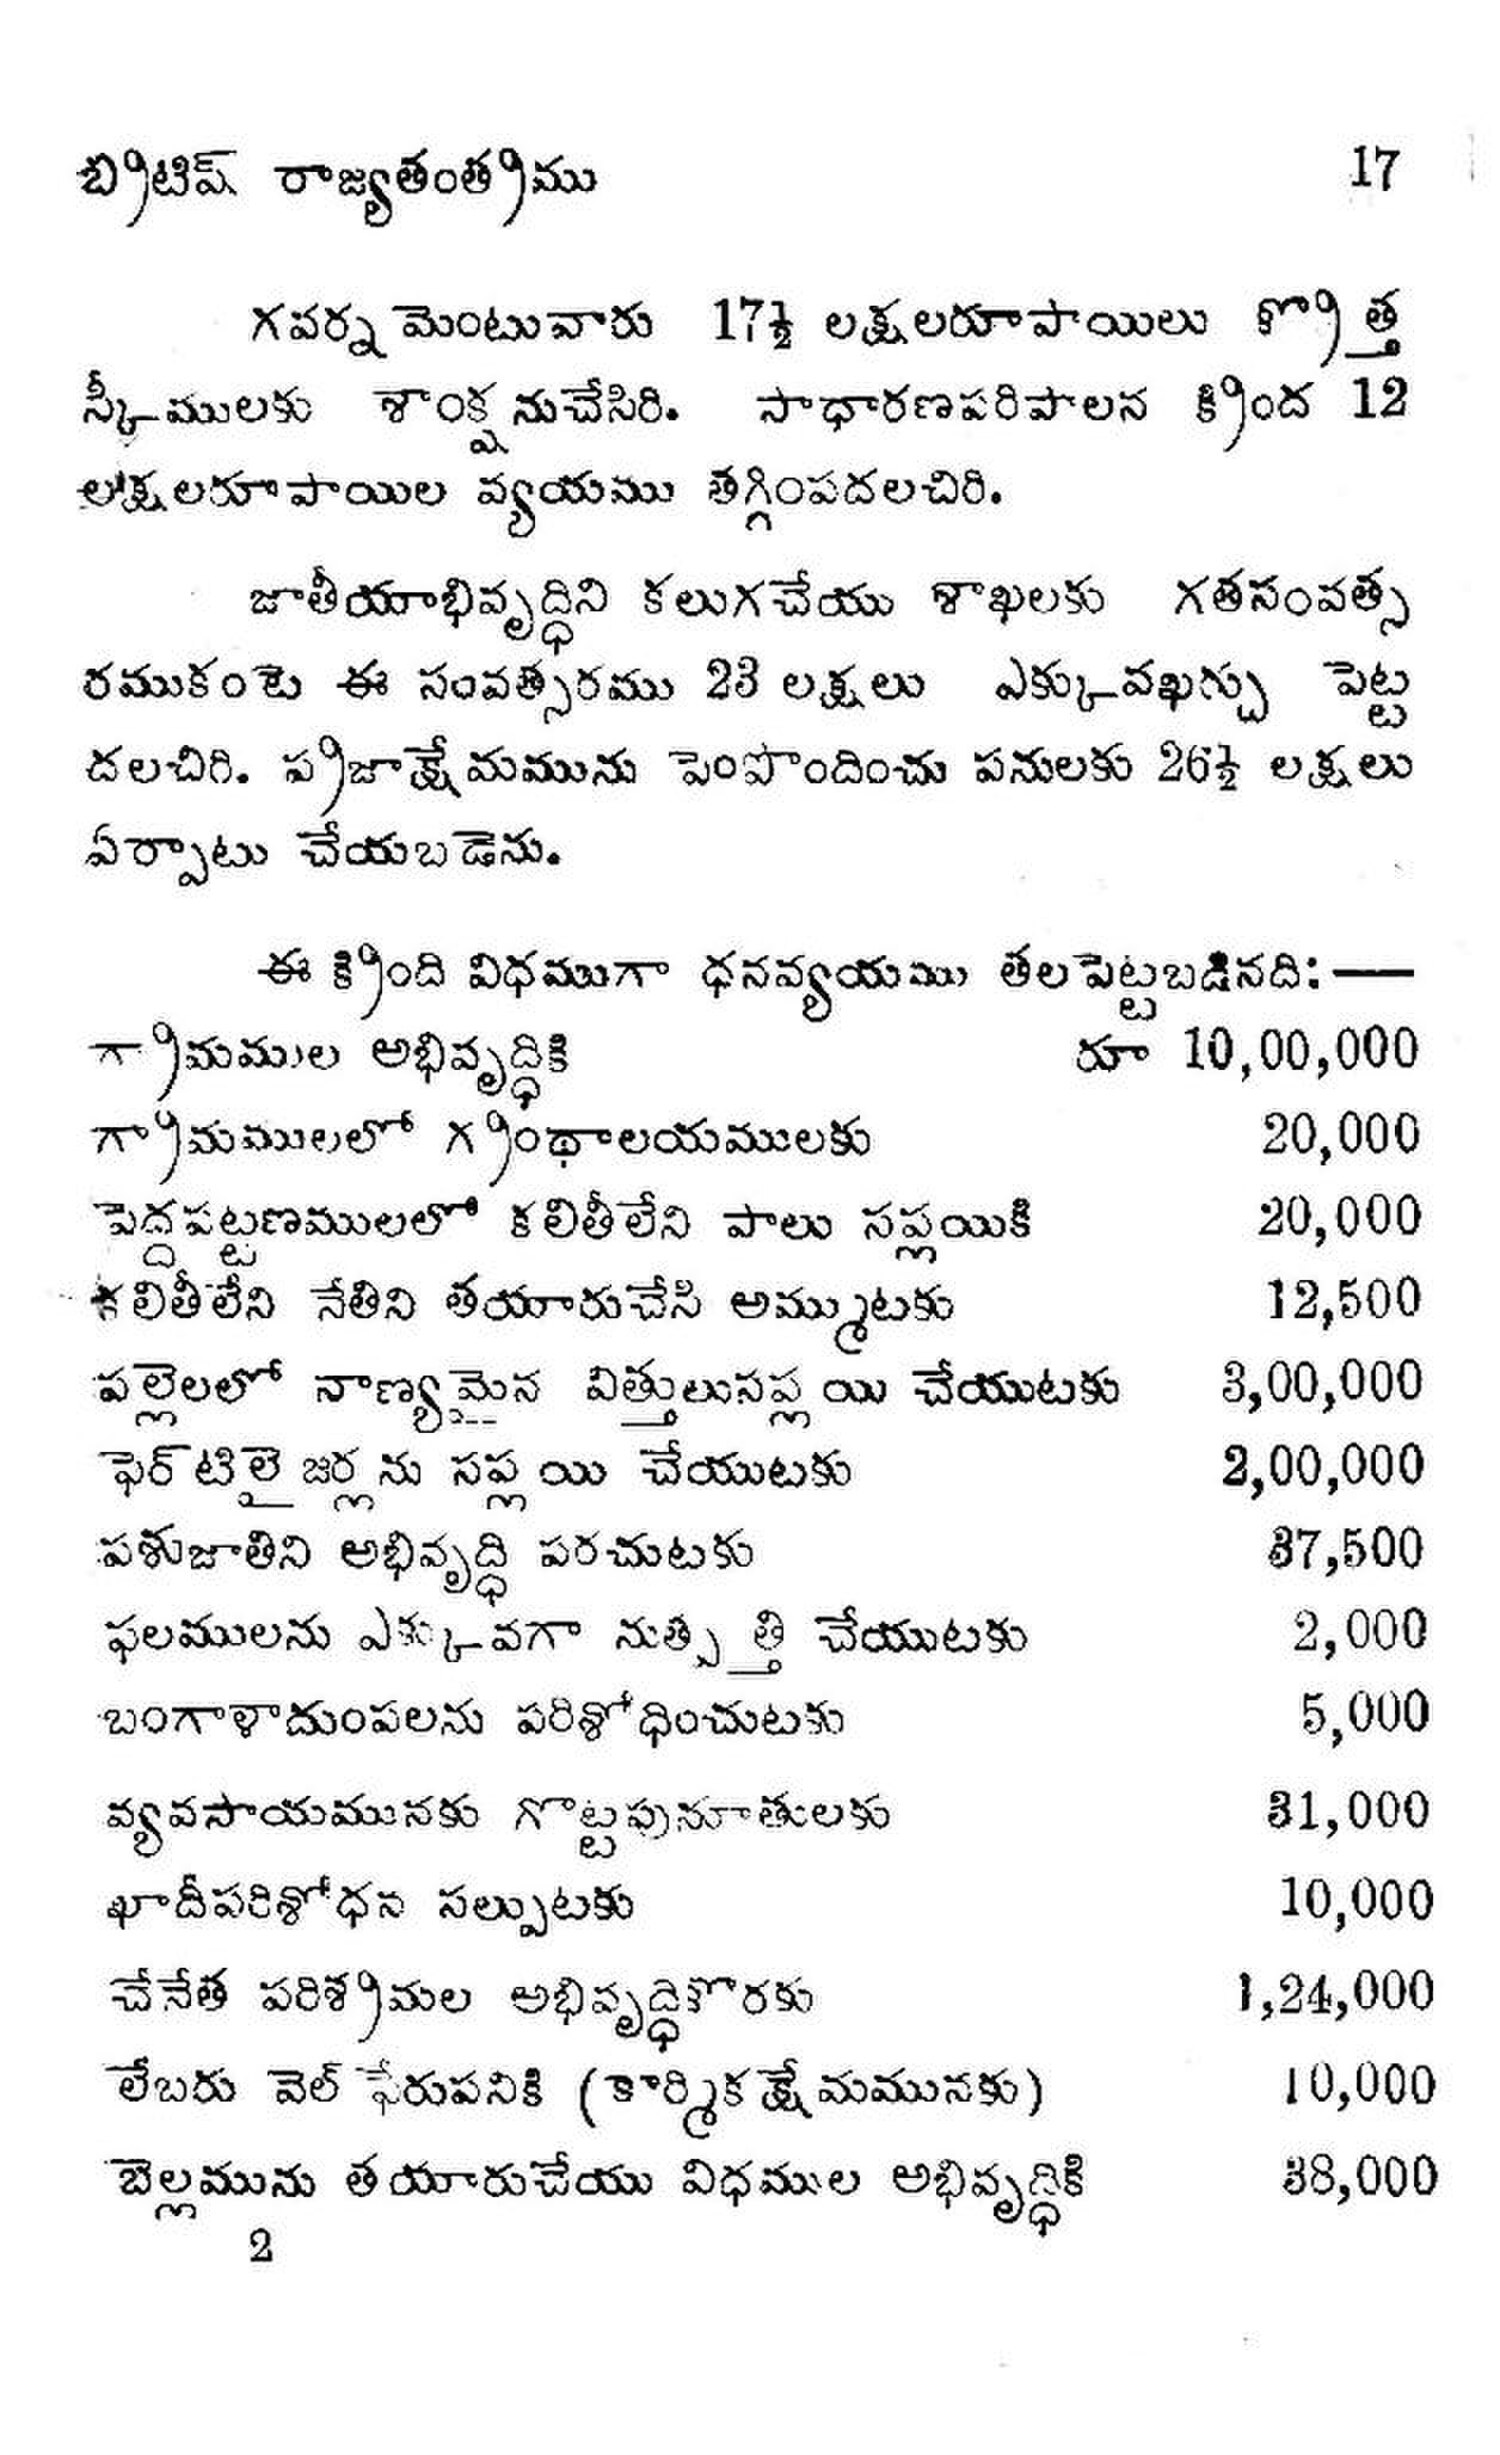గవర్నమెంటువారు 17 1/2 లక్షలరూపాయిలు క్రొత్త స్కీములకు శాంక్షనుచేసిరి. సాధారణపరిపాలన క్రింద 12 లక్షలరూపాయిల వ్యయము తగ్గింపదలచిరి.

జాతీయాభివృద్ధిని కలుగచేయు శాఖలకు గతసంవత్సరముకంటె ఈ సంవత్సరము 23 లక్షలు ఎక్కువఖర్చు పెట్టదలచిరి. ప్రజాక్షేమమును పెంపొందించు పనులకు 26 1/2 లక్షలు ఏర్పాటు చేయబడెను.

ఈ క్రింది విధముగా ధనవ్యయము తల పెట్టబడినది: – 
 గ్రామముల అభివృద్ధికి రూ 10,00,000 గ్రామములలో గ్రంథాలయములకు 20,000 పెద్దపట్టణములలో కలితిలేని పాలు సప్లయికి 20,000 కలితీలేని నేతిని తయారుచేసి అమ్ముటకు 12,500 పల్లెలలో నాణ్యమైన విత్తులుసప్లయి చేయుటకు 3,00,000 ఫెర్‌టిలైజర్లను సప్లయి చేయుటకు 2,00,000 పశుజాతిని అభివృద్ధి పరచుటకు 37,500 ఫలములను ఎక్కువగా నుత్పత్తి చేయుటకు 2,000 బంగాళాదుంపలను పరిశోధించుటకు 5,000 వ్యవసాయమునకు గొట్టపునూతులకు 31,000 ఖాదీపరిశోధన సల్పుటకు 10,000 చేనేత పరిశ్రమల అభివృద్ధికొరకు 1,24,000లేబరు వెల్ ఫేరుపనికి (కార్మికక్షేమమునకు) 10,000 బెల్లమును తయారుచేయు విధముల అభివృద్ధికి 38,000